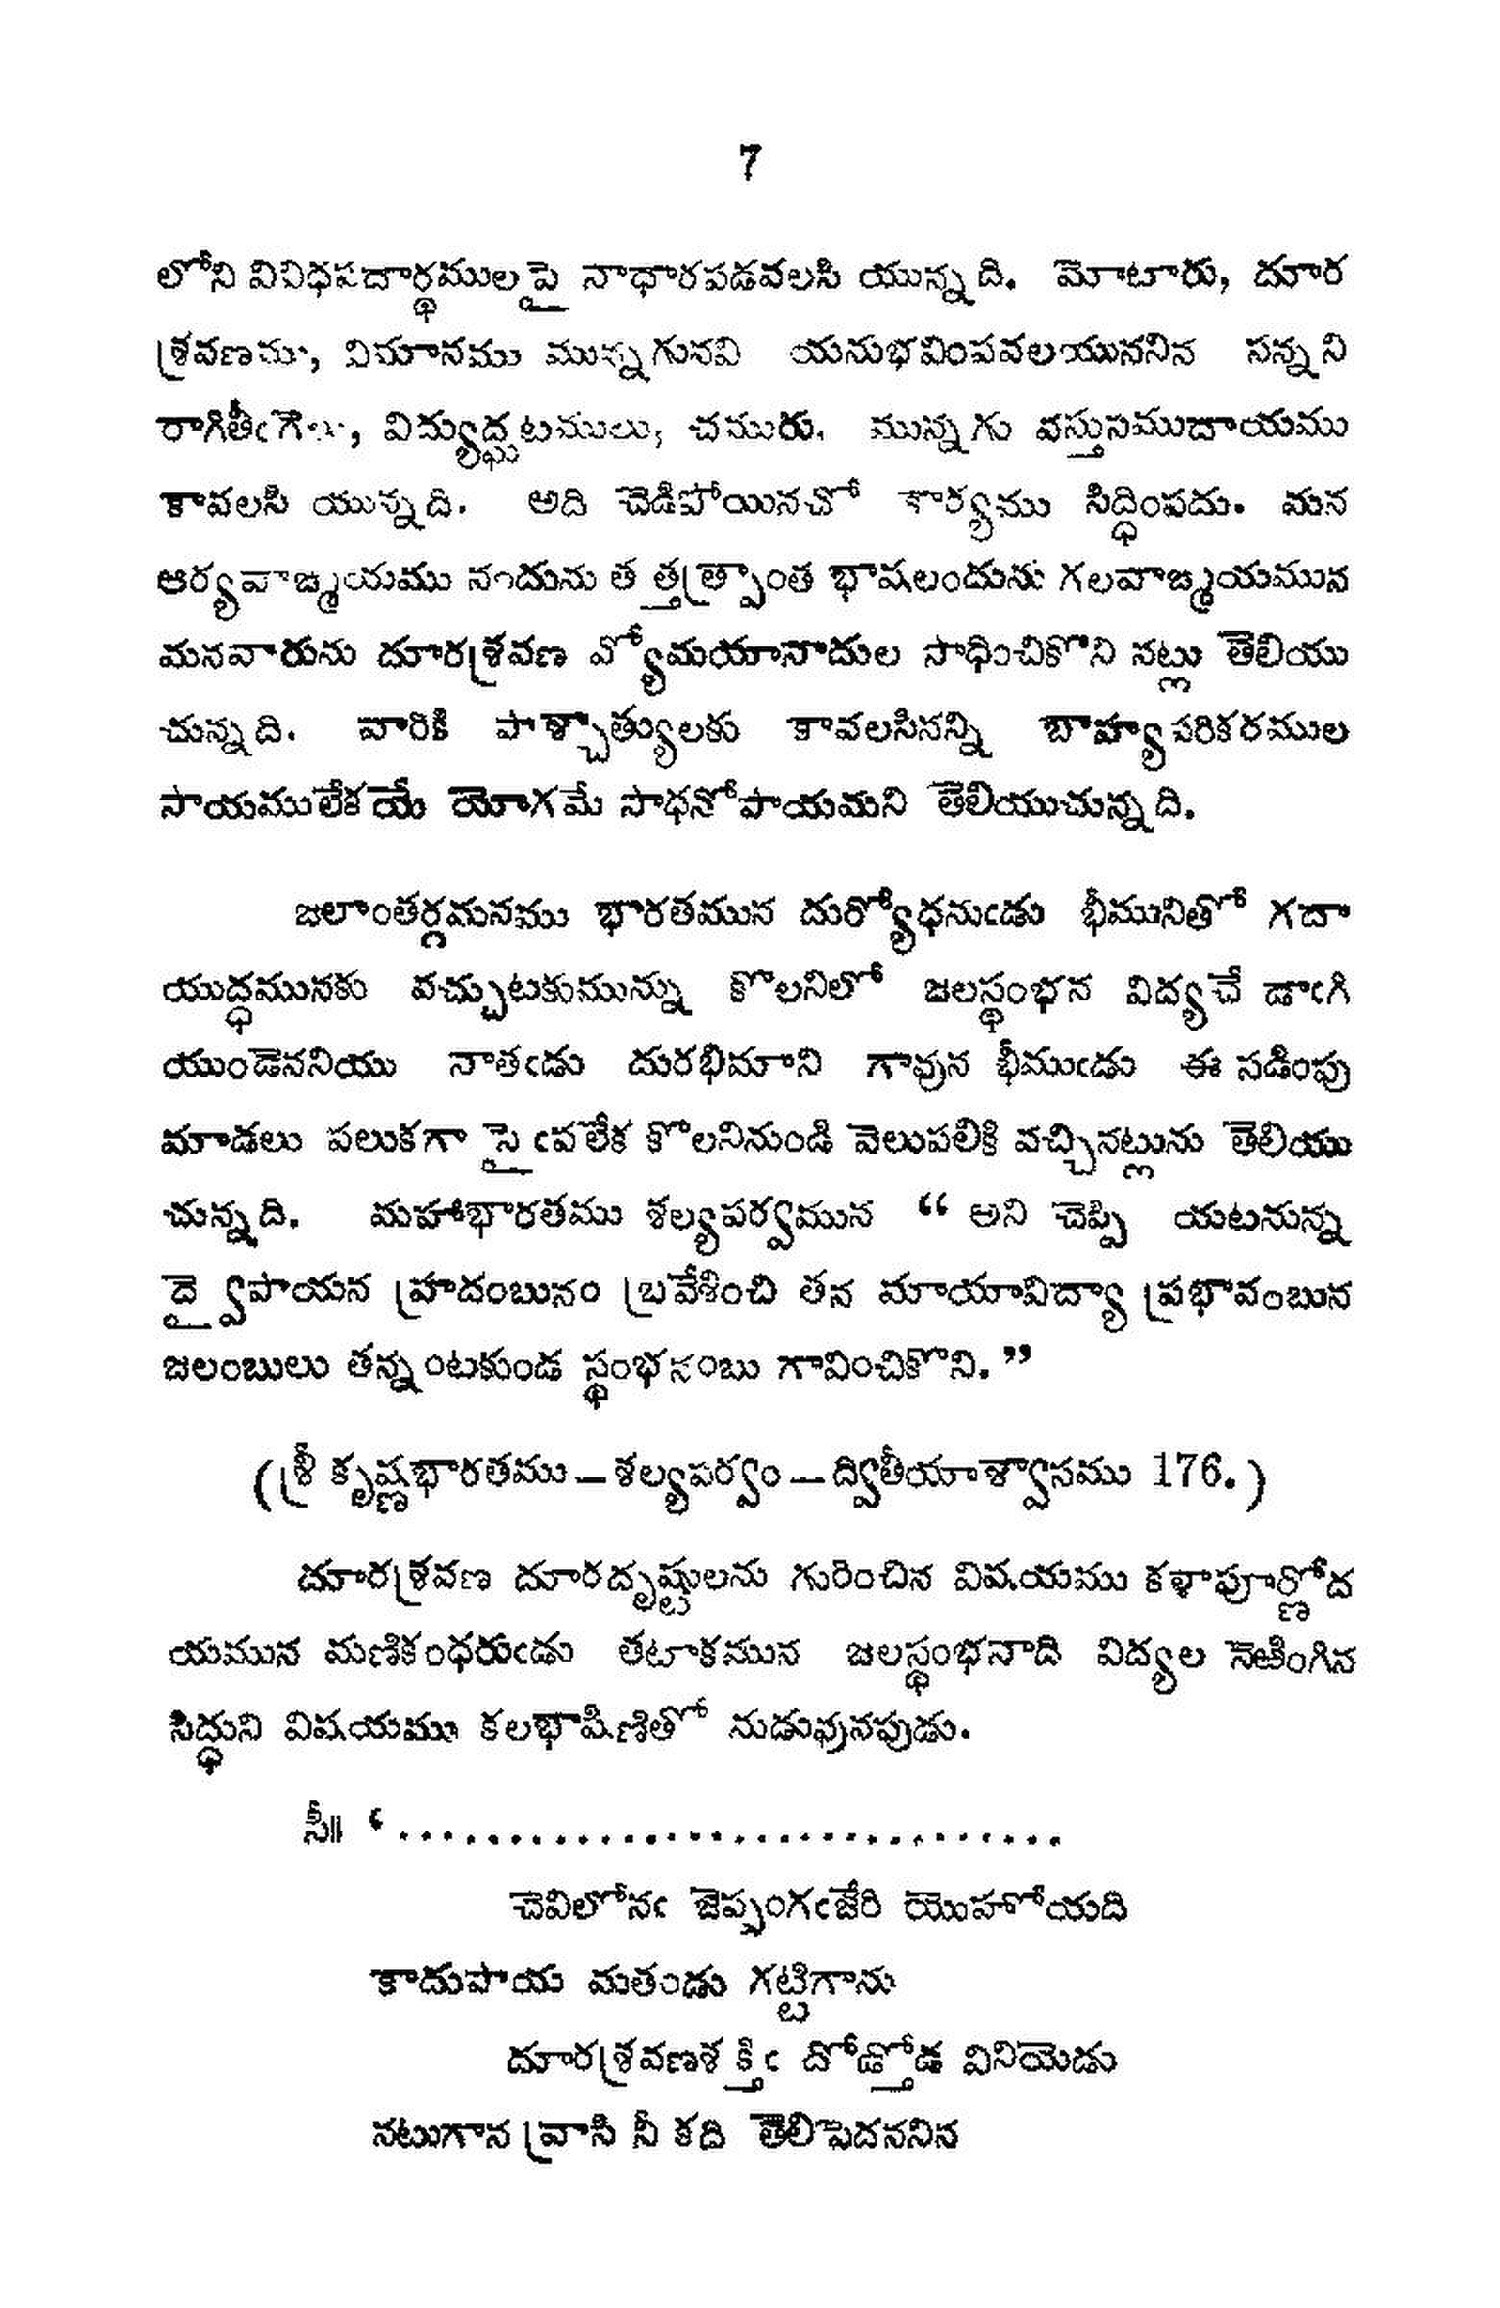లోని వివిధపదార్థములపై నాధారపడవలసియున్నది. మోటారు, దూరశ్రవణము, విమానము మున్నగునవి యనుభవింపవలయుననిన సన్ననిరాగితీఁగెలు, విద్యుద్ఘటములు, చమురు, మున్నగు వస్తుసముదాయము కావలసియున్నది. అది చెడిపోయినచో కార్యము సిద్ధింపదు. మన
ఆర్యవాఙ్మయమునందును తత్తత్ప్రాంతభాషలందును గలవాఙ్మయమున మనవారును దూరశ్రవణ వ్యోమయానాదులు సాధించికొనినట్లు తెలియుచున్నది. వారికి పాశ్చాత్యులకు కావలసినన్ని బాహ్యపరికరములసాయము లేకయే యోగమే సాధనోపాయమని తెలియుచున్నది.

జలాంతర్గమనము భారతమున దుర్యోధనుఁడు భీమునితో గదాయుద్ధమునకు వచ్చుటకు మున్ను కొలనిలో జలస్థంభనవిద్యచే డాఁగియుండెననియు నాతఁడు దురభిమాని గావున భీముఁడు ఈసడింపుమాటలు పలుకగా సైఁపలేక కొలనినుండి వెలుపలికి వచ్చినట్లును తెలియుచున్నది. మహాభారతము శల్యపర్వమున "అని చెప్పి యట నున్న ద్వైపాయనహ్రదంబునం బ్రవేశించి తనమాయావిద్యాప్రభావంబున జలంబులు తన్నంటకుండ స్థంభనంబు గావించికొని.” (శ్రీకృష్ణభారతము - శల్యపర్వం - ద్వితీయాశ్వాసము 176.)

దూరశ్రవణ దూరదృష్టులను గురించిన విషయము కళాపూర్ణోదయమున మణికంధరుఁడు తటాకమున జలస్థంభనాదివిద్యల నెఱింగిన సిద్దునివిషయము కలభాషిణితో నుడువునపుడు.